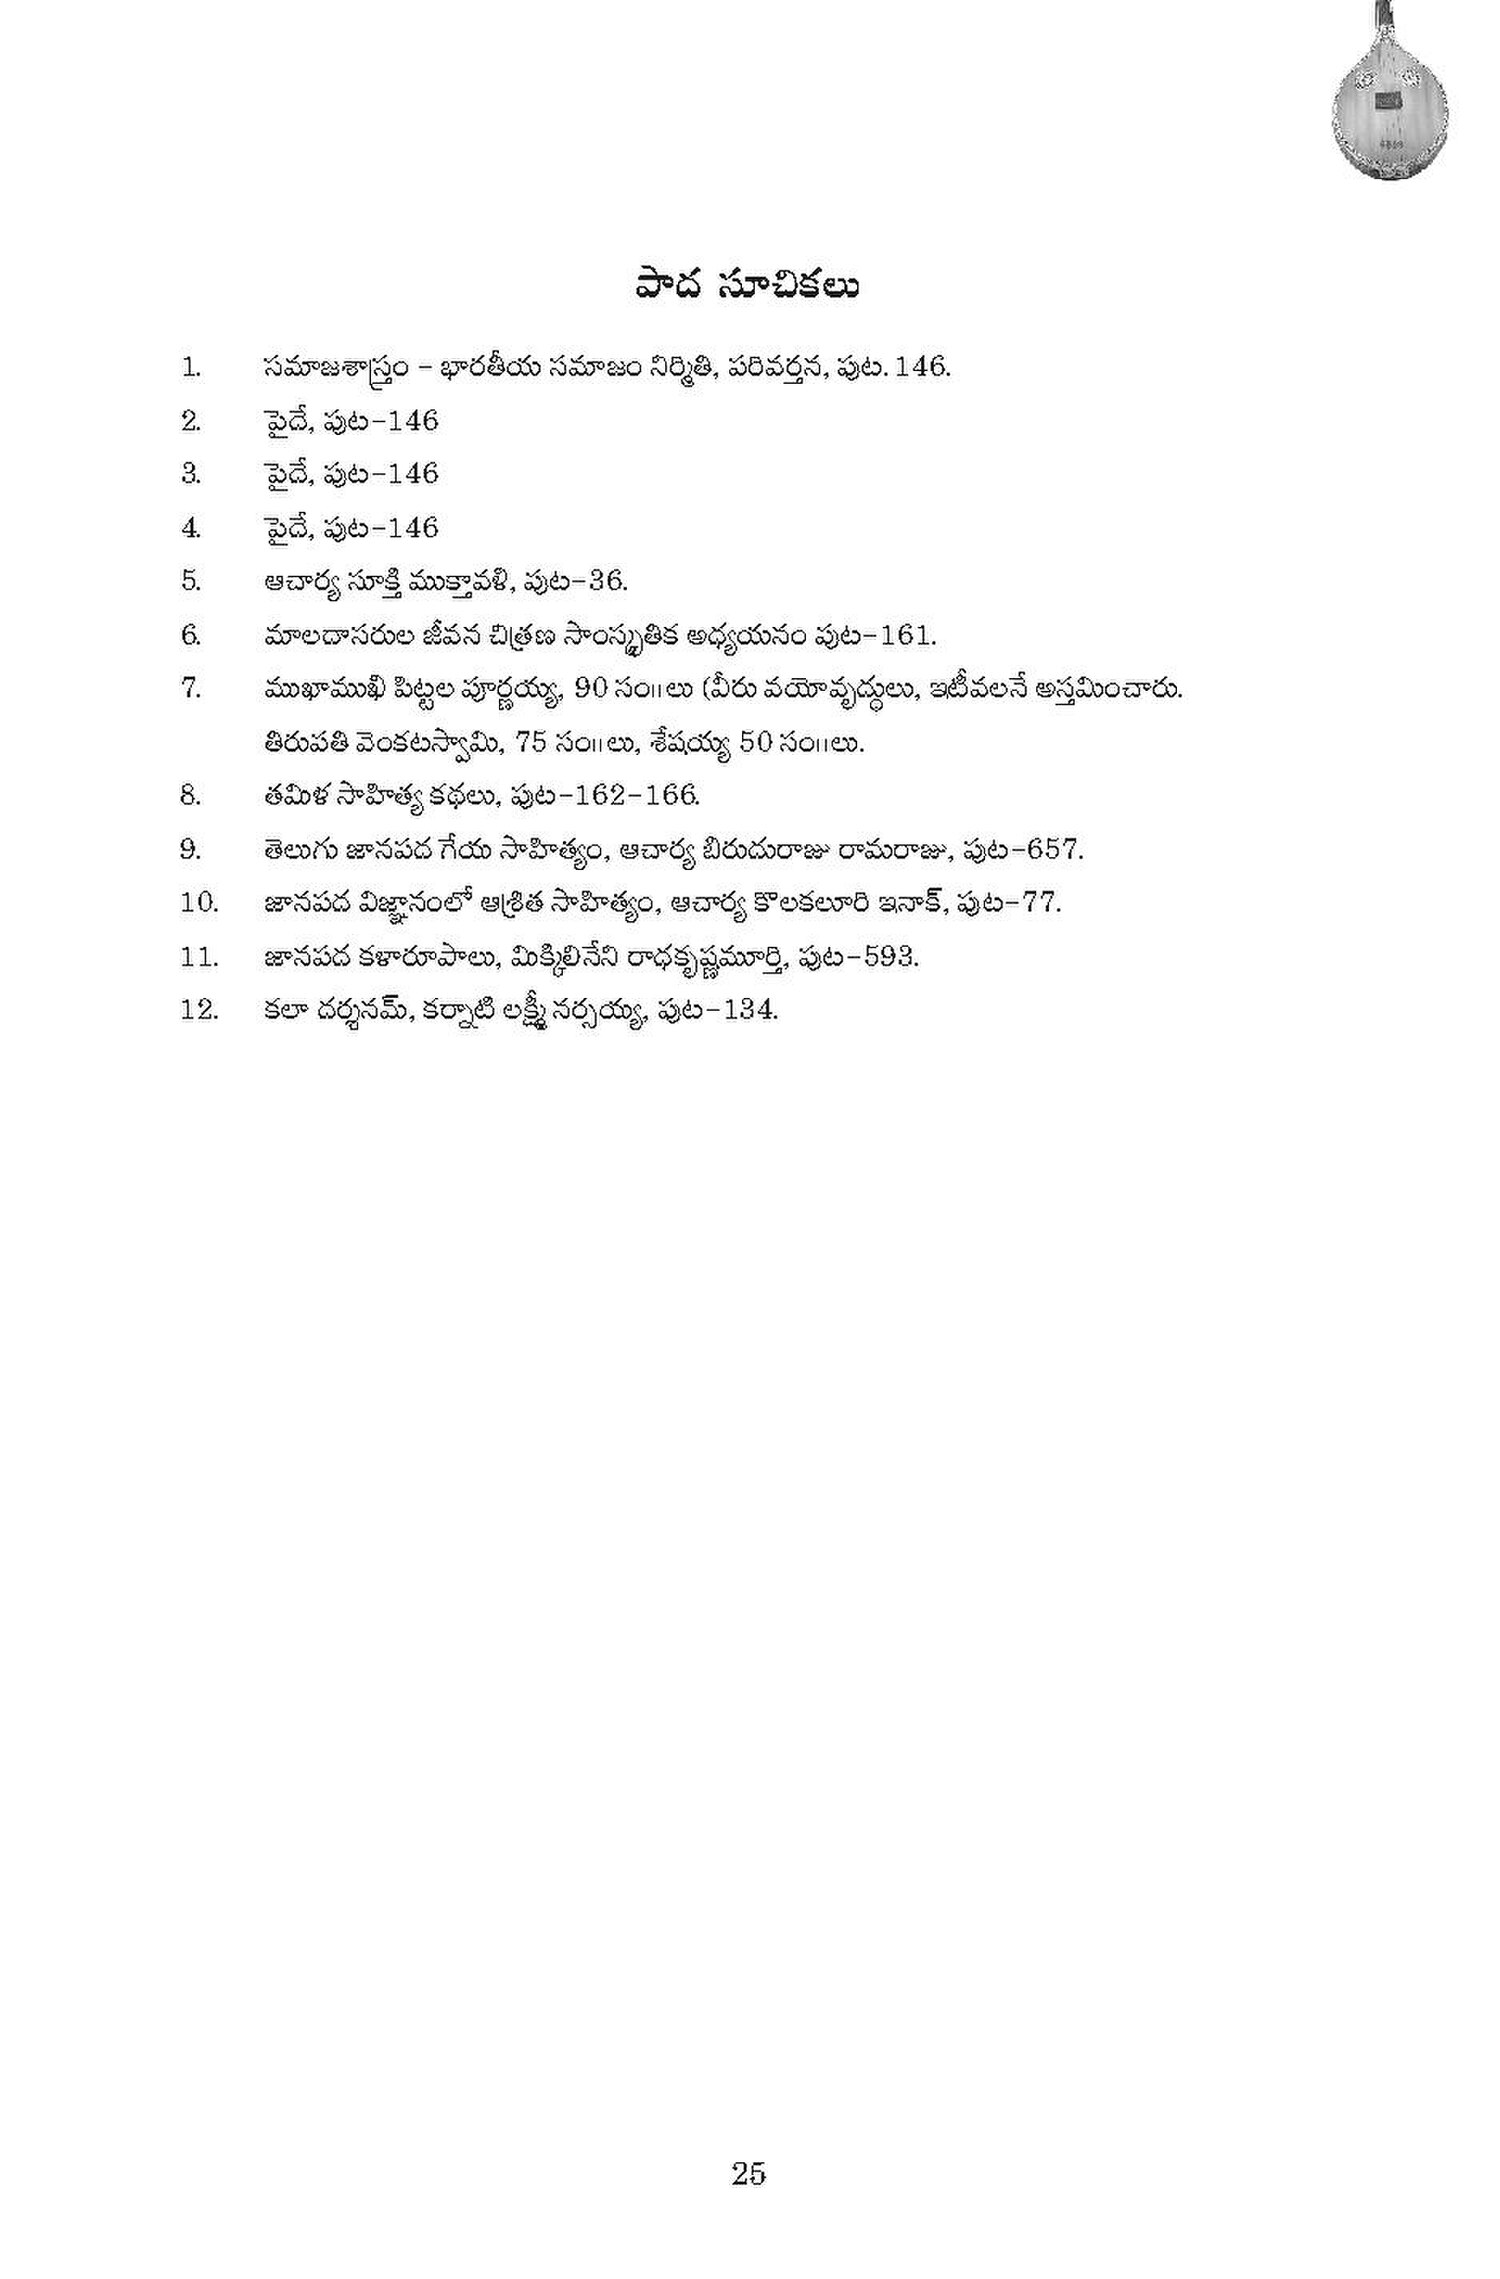1. సమాజశాస్త్రం - భారతీయ సమాజం నిర్మితి, పరివర్తన, పుట. 146.
2. పైదే, పుట-146
3. పైదే, పుట-146
4. పైదే, పుట-146
5. ఆచార్య సూక్తి ముక్తావళి, పుట-36.
6. మాలదాసరుల జీవన చిత్రణ సాంస్కృతిక అధ్యయనం పుట-161.
7. ముఖాముఖి పిట్టల పూర్ణయ్య, 90 సం౹౹లు (వీరు వయోవృద్ధులు, ఇటీవలనే అస్తమించారు.
తిరుపతి వెంకటస్వామి, 75 సం౹౹లు, శేషయ్య 50 సం॥లు.
8. తమిళ సాహిత్య కథలు, పుట-162-166.
9. తెలుగు జానపద గేయ సాహిత్యం, ఆచార్య బిరుదురాజు రామరాజు, పుట-657.
10. జానపద విజ్ఞానంలో ఆశ్రిత సాహిత్యం, ఆచార్య కొలకలూరి ఇనాక్, పుట-77.
11. జానపద కళారూపాలు, మిక్కిలినేని రాధకృష్ణమూర్తి, పుట-593.
12. కలా దర్శనమ్, కర్నాటి లక్ష్మీ నర్సయ్య, పుట-134.